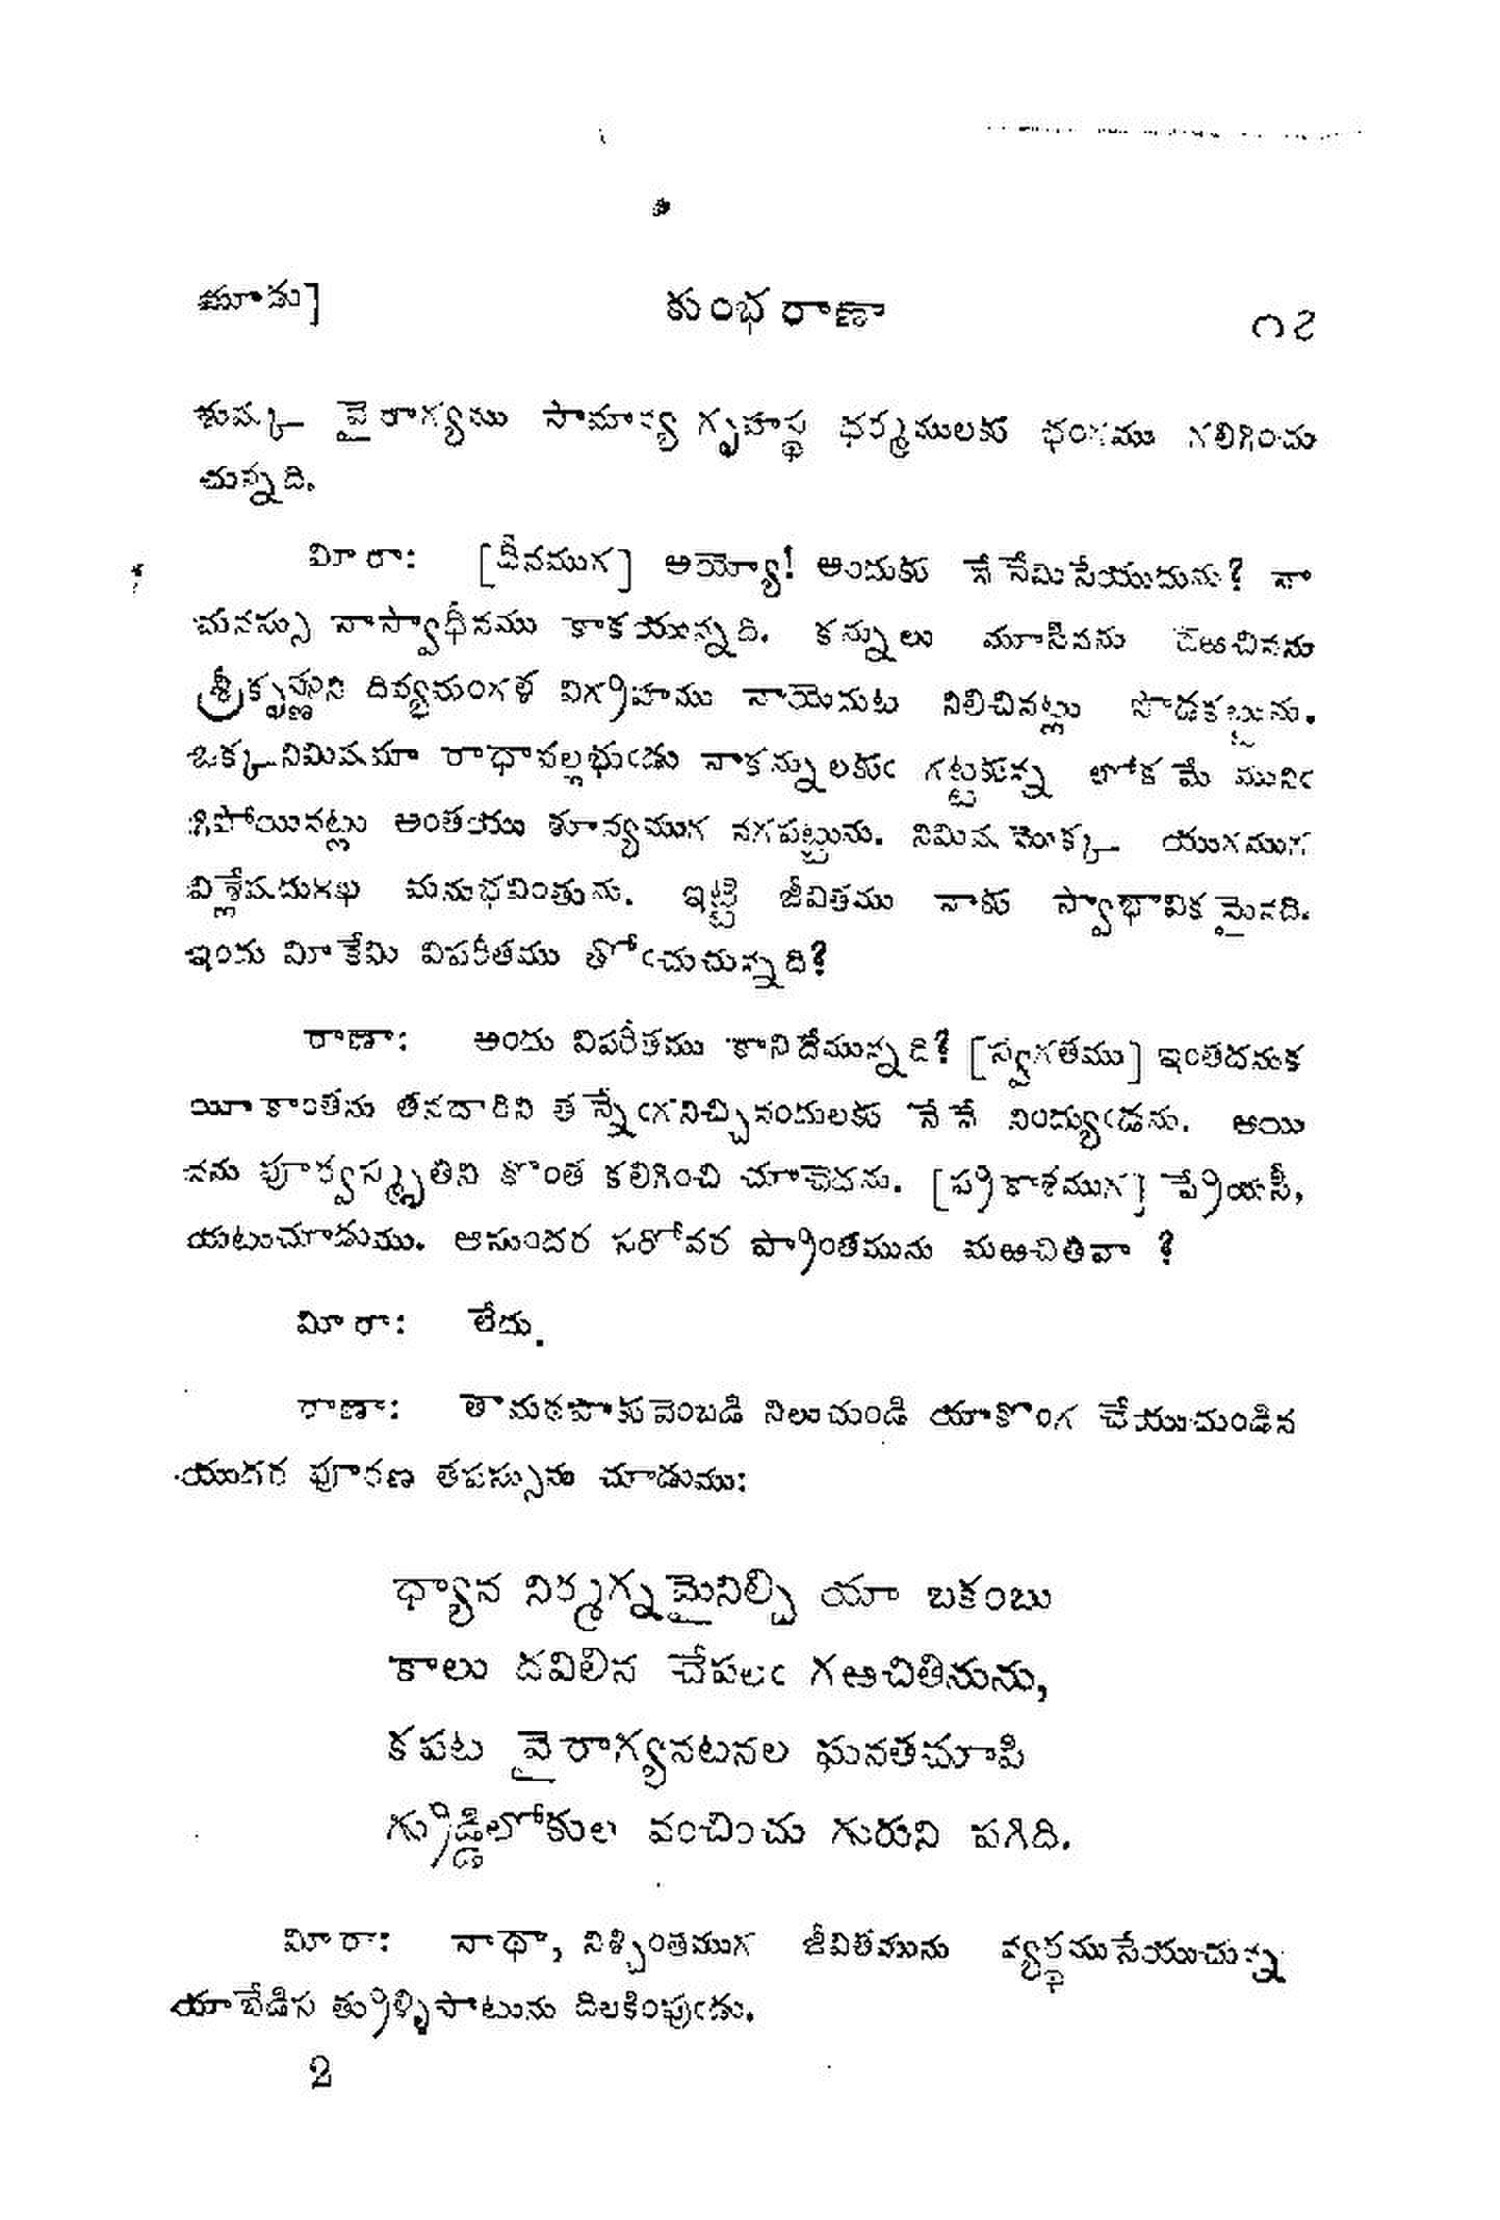శుష్క వైరాగ్యము సామాన్య గృహస్థ ధర్మములకు భంగము గలిగించుచున్నది.

మీరా : [దీనముగ] అయ్యో! అందుకు నేనేమిసేయుదును ? నా మనస్సు నాస్వాధీనము కాకయున్నది. కన్నులు మూసినను దెఱచినను శ్రీకృష్ణుని దివ్యమంగళ విగ్రహము నాయెదుట నిలిచినట్లు పొడకట్టును. ఒక్కనిమిషమా రాధావల్లభుఁడు నాకన్నులకుఁ గట్టకున్న లోకమే మునిఁగిపోయినట్లు అంతయు శూన్యముగ నగపట్టును. నిమిషమొక్క యుగముగ విశ్లేషదు:ఖ మనుభవింతును. ఇట్టి జీవితము నాకు స్వభావికమైనది. ఇందు మీకేమి విపరీతము తోఁచుచున్నది ?

రాణా : అందు విపరీతము కానిదేమున్నది ? [స్వగతము] ఇంతదనుక యీ కాంతను తనదారిని తన్నేఁగనిచ్చినందులకు నేనే నింద్యుఁడను. అయినను పూర్వస్మృతిని కొంత కలిగించి చాచెదను. [ప్రకాశము] ప్రేయసీ, యటుచూడుము. ఆసుందర సరోవర ప్రాంతమును మఱచితివా ?

మీరా : లేదు.

రాణా : తామరపాకువెంబడి నిలుచుండి యాకొంగ చేయుచుండిన యుదర పూరణ తపస్సును చూడుము:

 ధ్యాన నిర్మగ్నమైనిల్చి యా బకంబు
 కాలు దవిలిన చేపలఁ గఱచితినును,
 కపట వైరాగ్యనటనల ఘనతచూపి
 గ్రుడ్డిలోకుల వంచించు గురుని పగిది.

మీరా : నాథా, నిశ్చింతముగ జీవితమును వ్యర్థముసేయుచున్న యాబేడిస త్రుళ్ళిపాటును దిలకింపుఁడు.